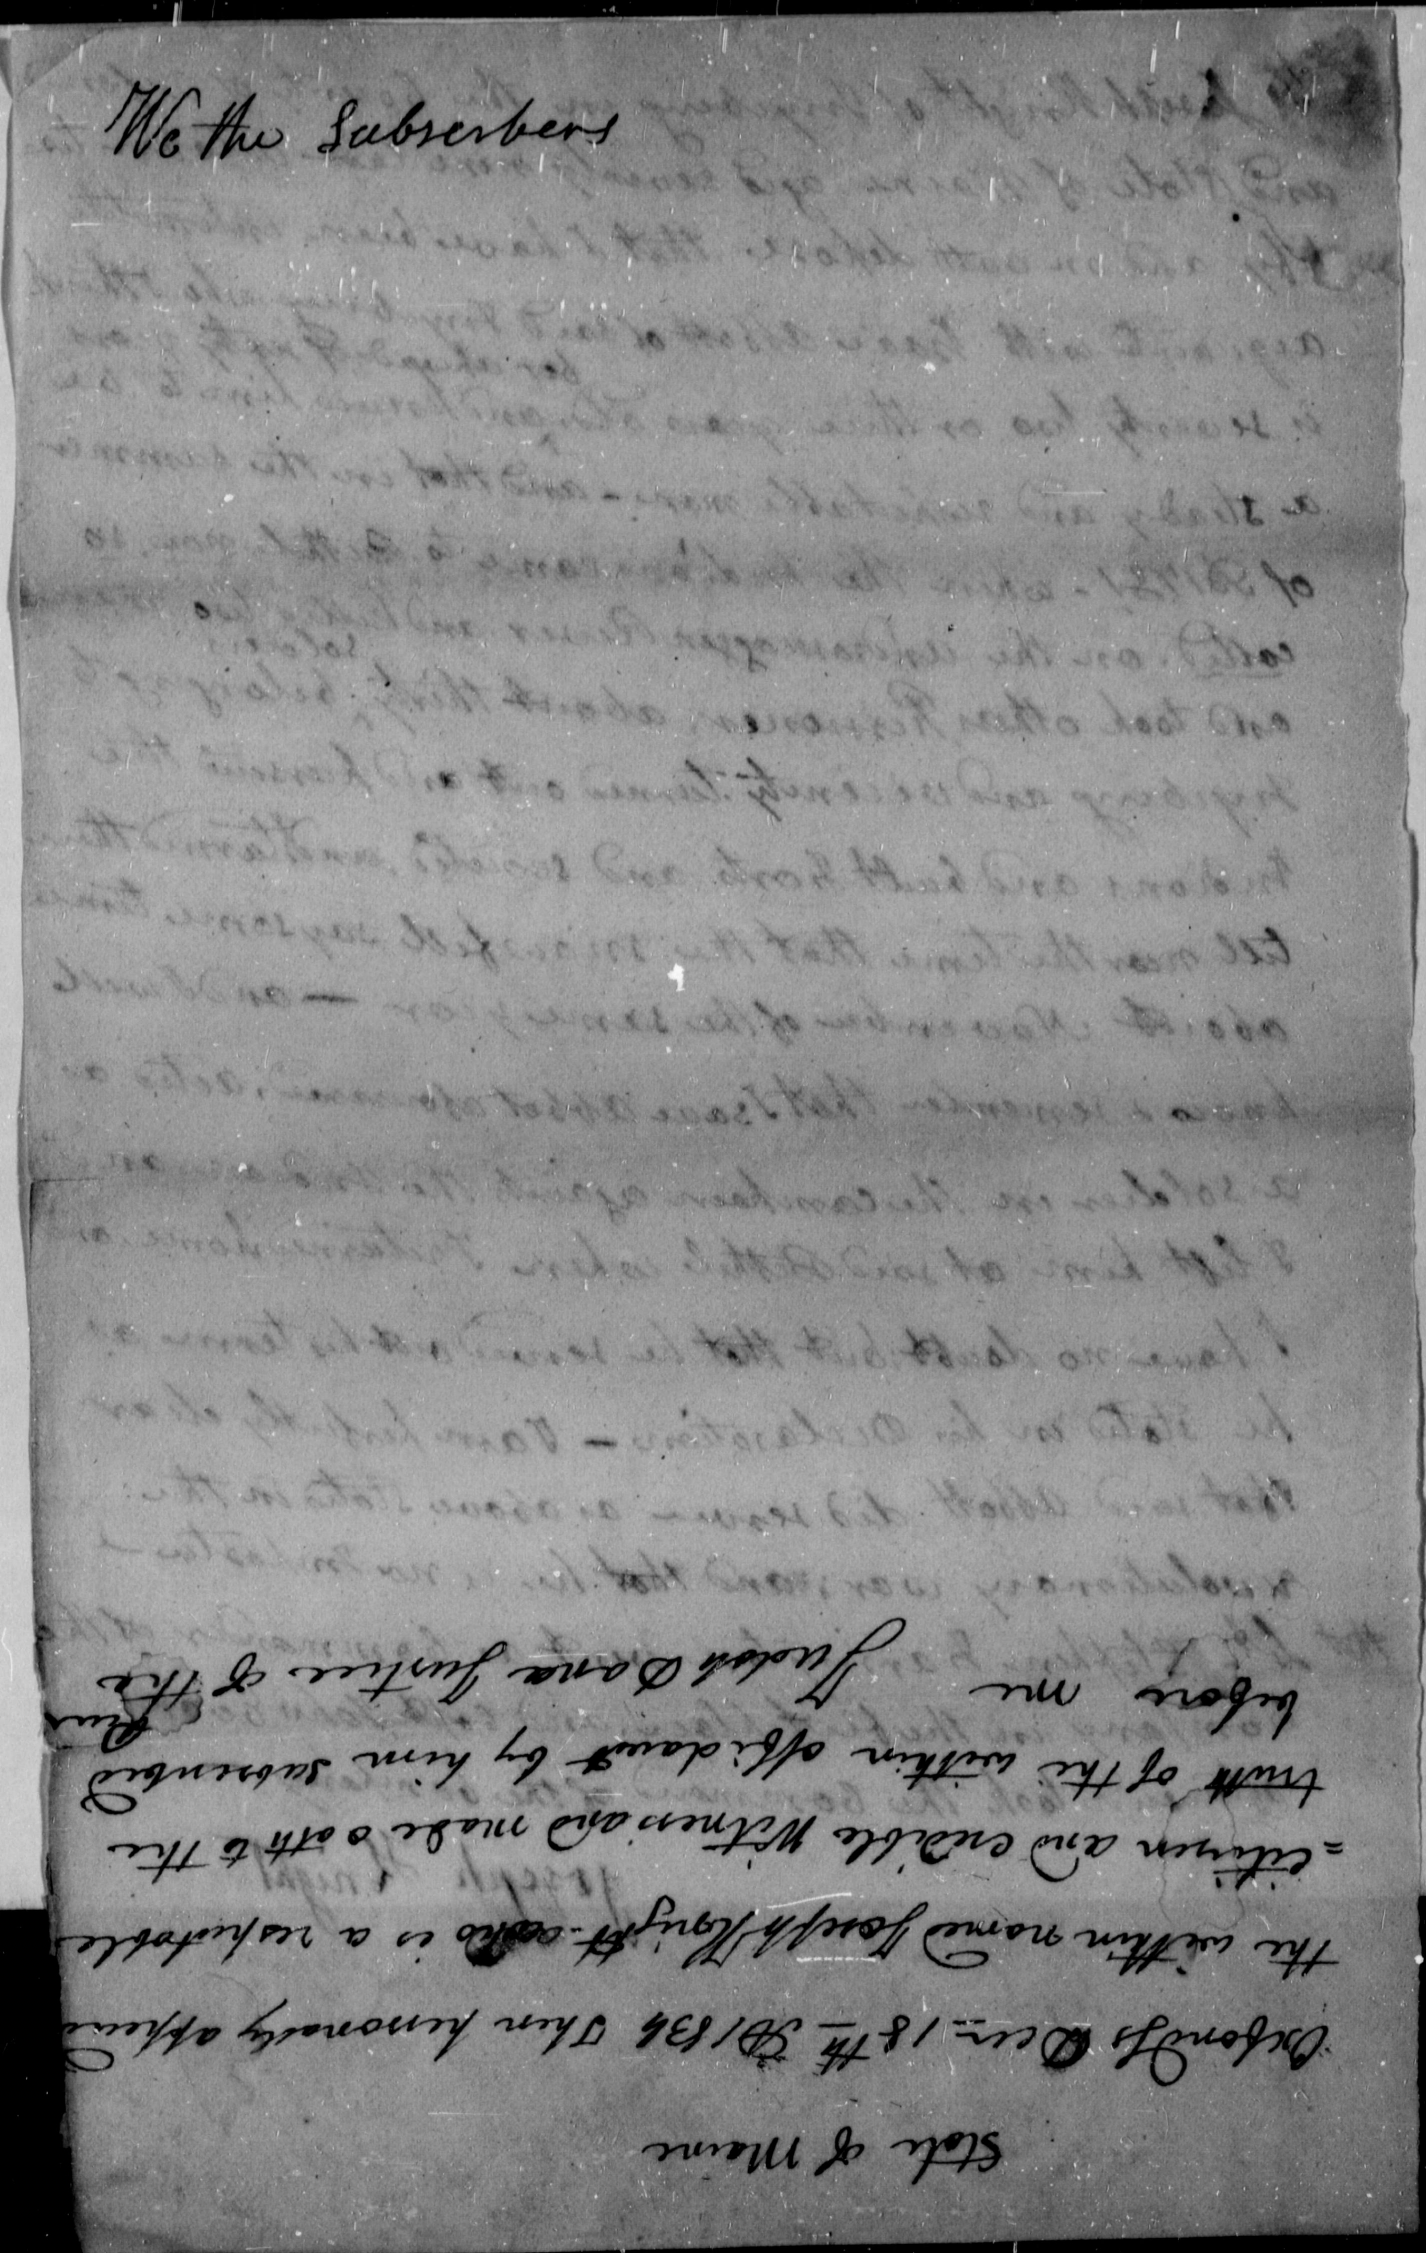We the subscribed




[UP-SIDE-DOWN]
State of Maine
Oxford ss., Dec 18th A.D. 1834. Then personally appeared the within named Joseph Knight, who is a respectable citizen and credible witness and made oath to the truth of the within affidavit by him, subscribed before me.
[SIGNED: Judah Dana] Justice of the Peace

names: Judah Dona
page: 37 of 86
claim: survivor's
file: S 29,568, Isaac Abbot, Mass